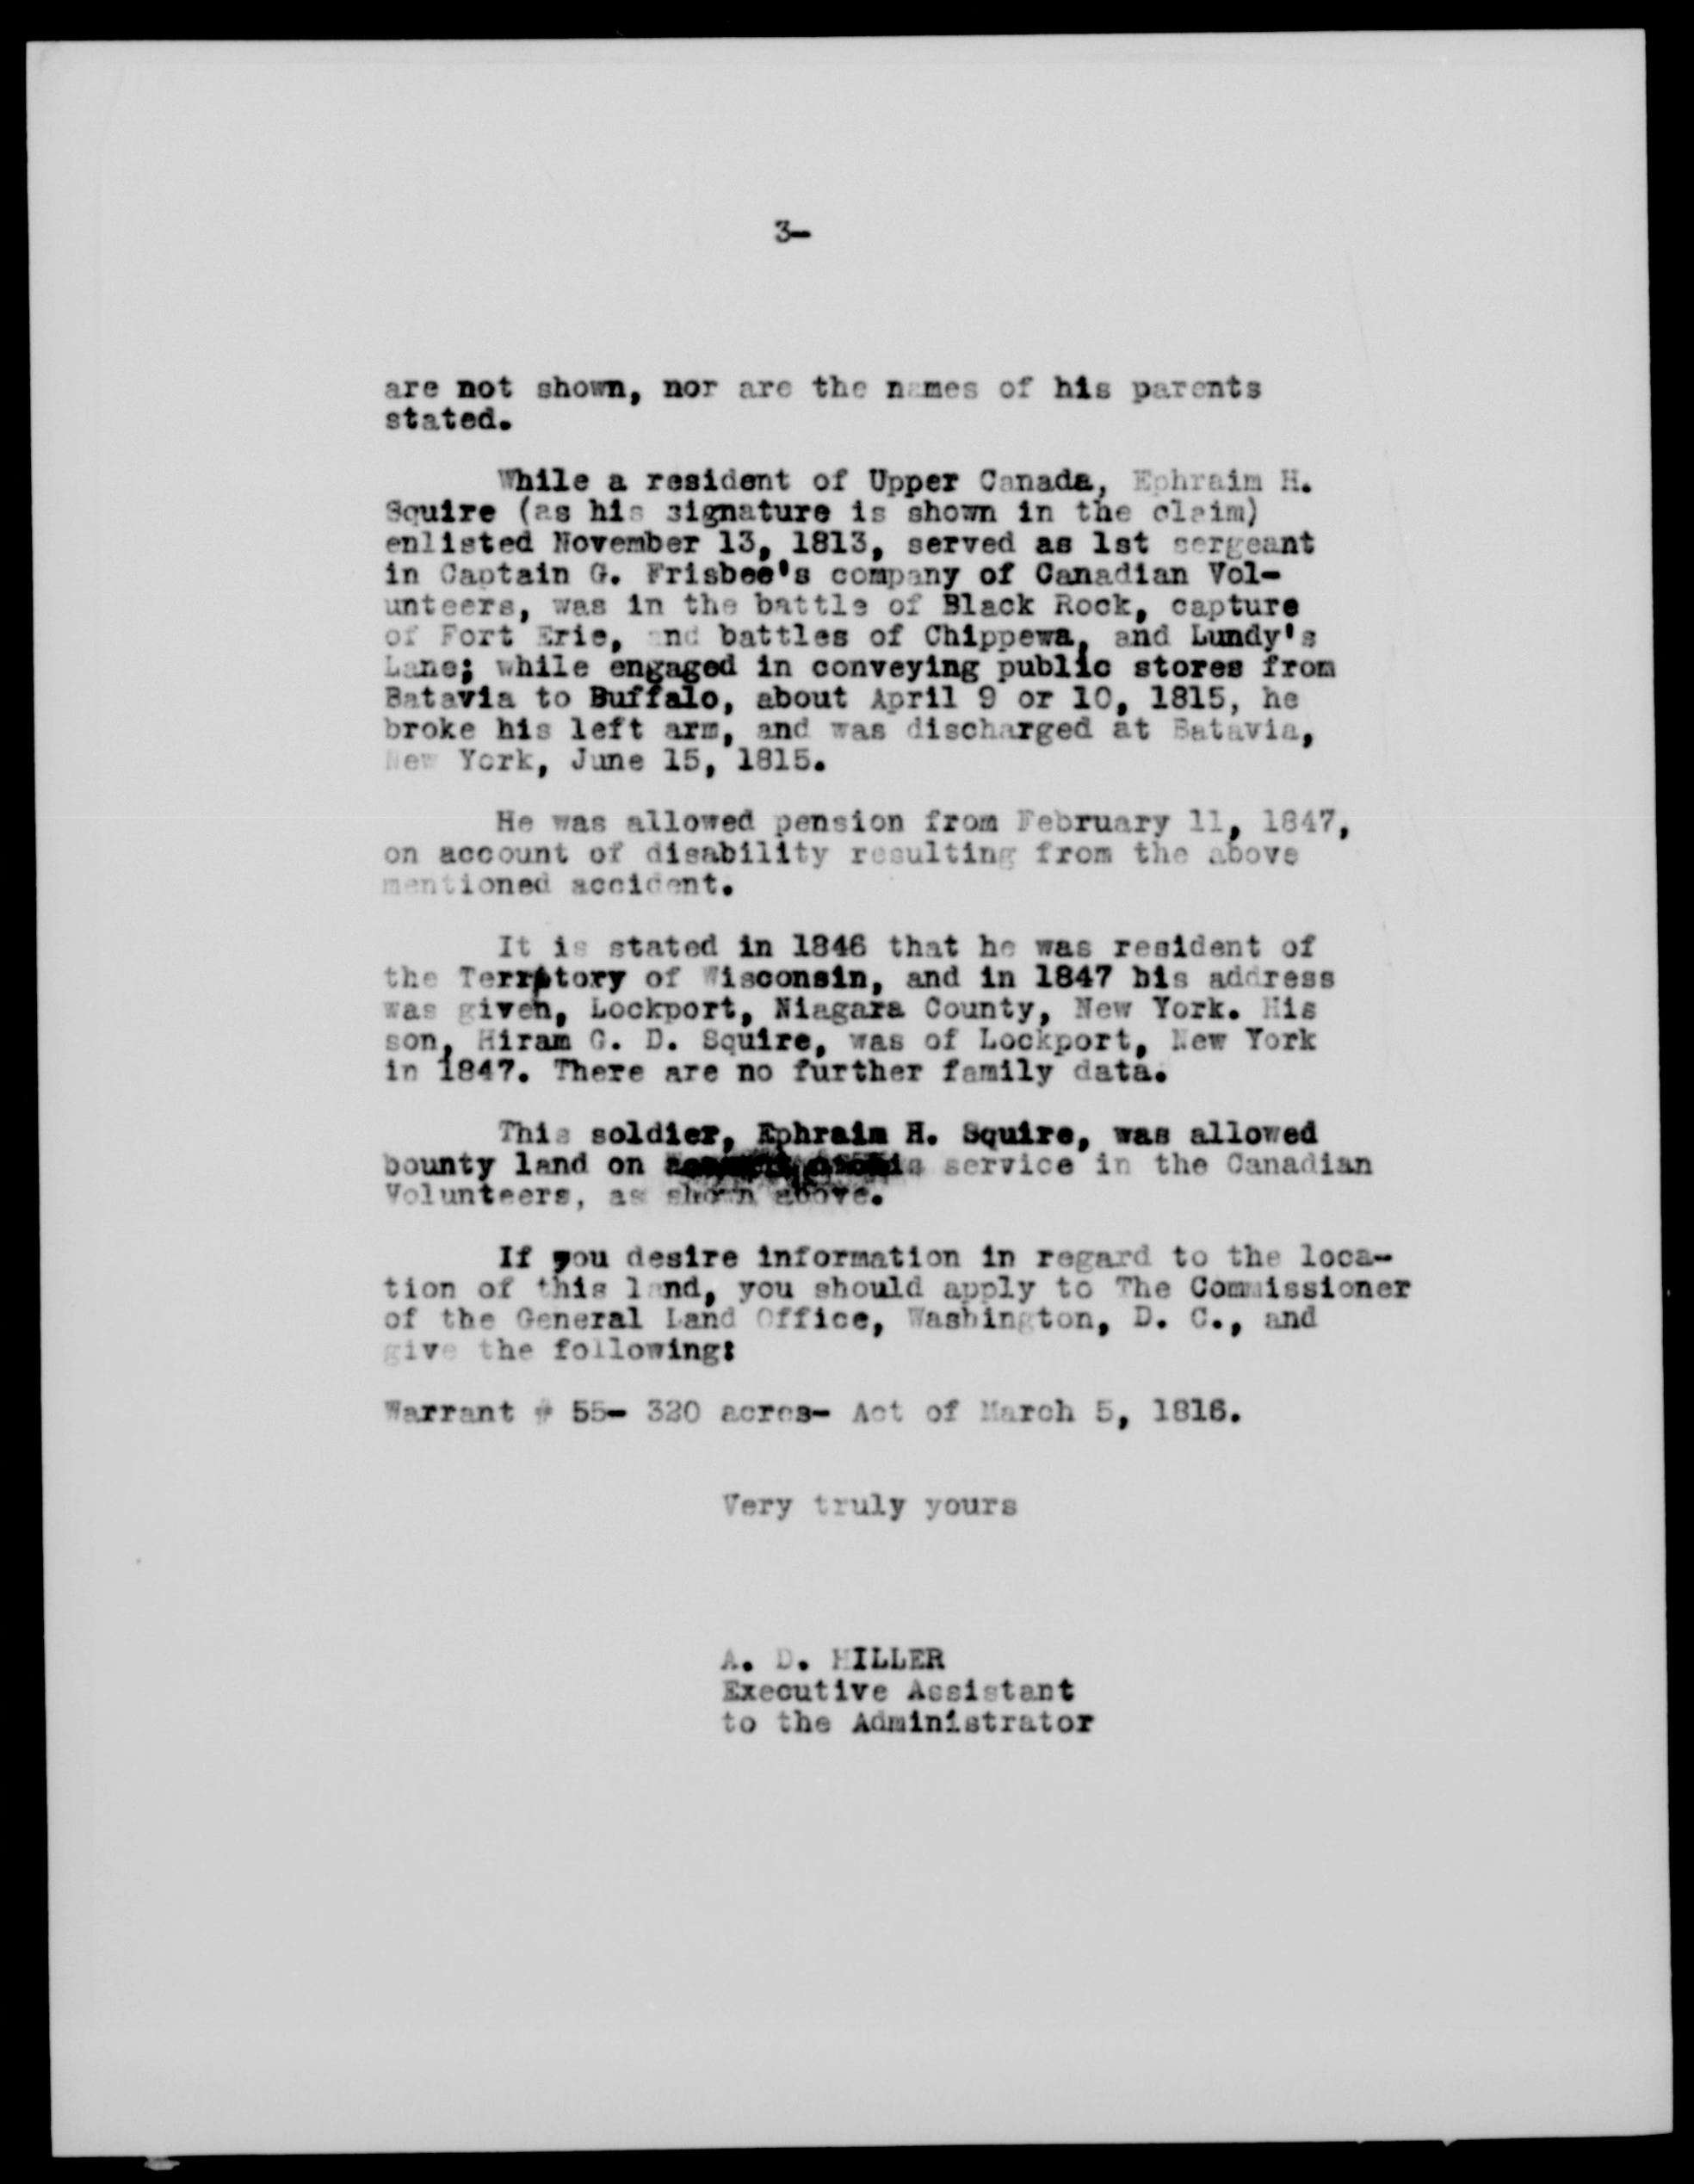(Page continued) 3-

are not shown, nor are the names of his parents stated. 

While a resident of Upper Canada, Ephraim H. Squire (as his signature is shown in the claim) enlisted November 13, 1813, served as 1st sergeant in Captain G. Frisbee's company of Canadian Volunteers, was in the battle of Black Rock, capture of Fort Erie, and battles of Chippewa, and Lundy's Lane; while engaged in conveying public stores from Batavia to Buffalo, about April 9 or 10, 1815 he broke his left arm, and was discharged at Batavia, New York, June 15, 1815.

He was allowed pension from February 11, 1847, on account of disability resulting from the above mentioned accident. 

It is stated in 1846 that he was resident of the Territory of Wisconsin, and in 1847 his address was given, Lockport, Niagara County, New York. His son Hiram, G. D. Squire was of Lockport, New York in 1847. There are no further family data.

This soldier, Ephraim h. Squire, was allowed bounty land on [blacked out illegible] service in the Canadian Volunteers, as shown above.

If you desire information in regard to the location of this land, you should apply to The Commissioner of the General Land Office, Washington, D. D. and give the following:

Warrant = 55- 320 acres- Act of March 5, 1816.

Very Truly yours
A.D. Hiller
Executive Assistant 
to the Administrator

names: Ephraim H Squire; Ephraim H Squire; A D Hiller; Hiram G D Squire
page: 17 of 70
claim: rejected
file: R. 10,026, for Ephraim Squier, Connecticut